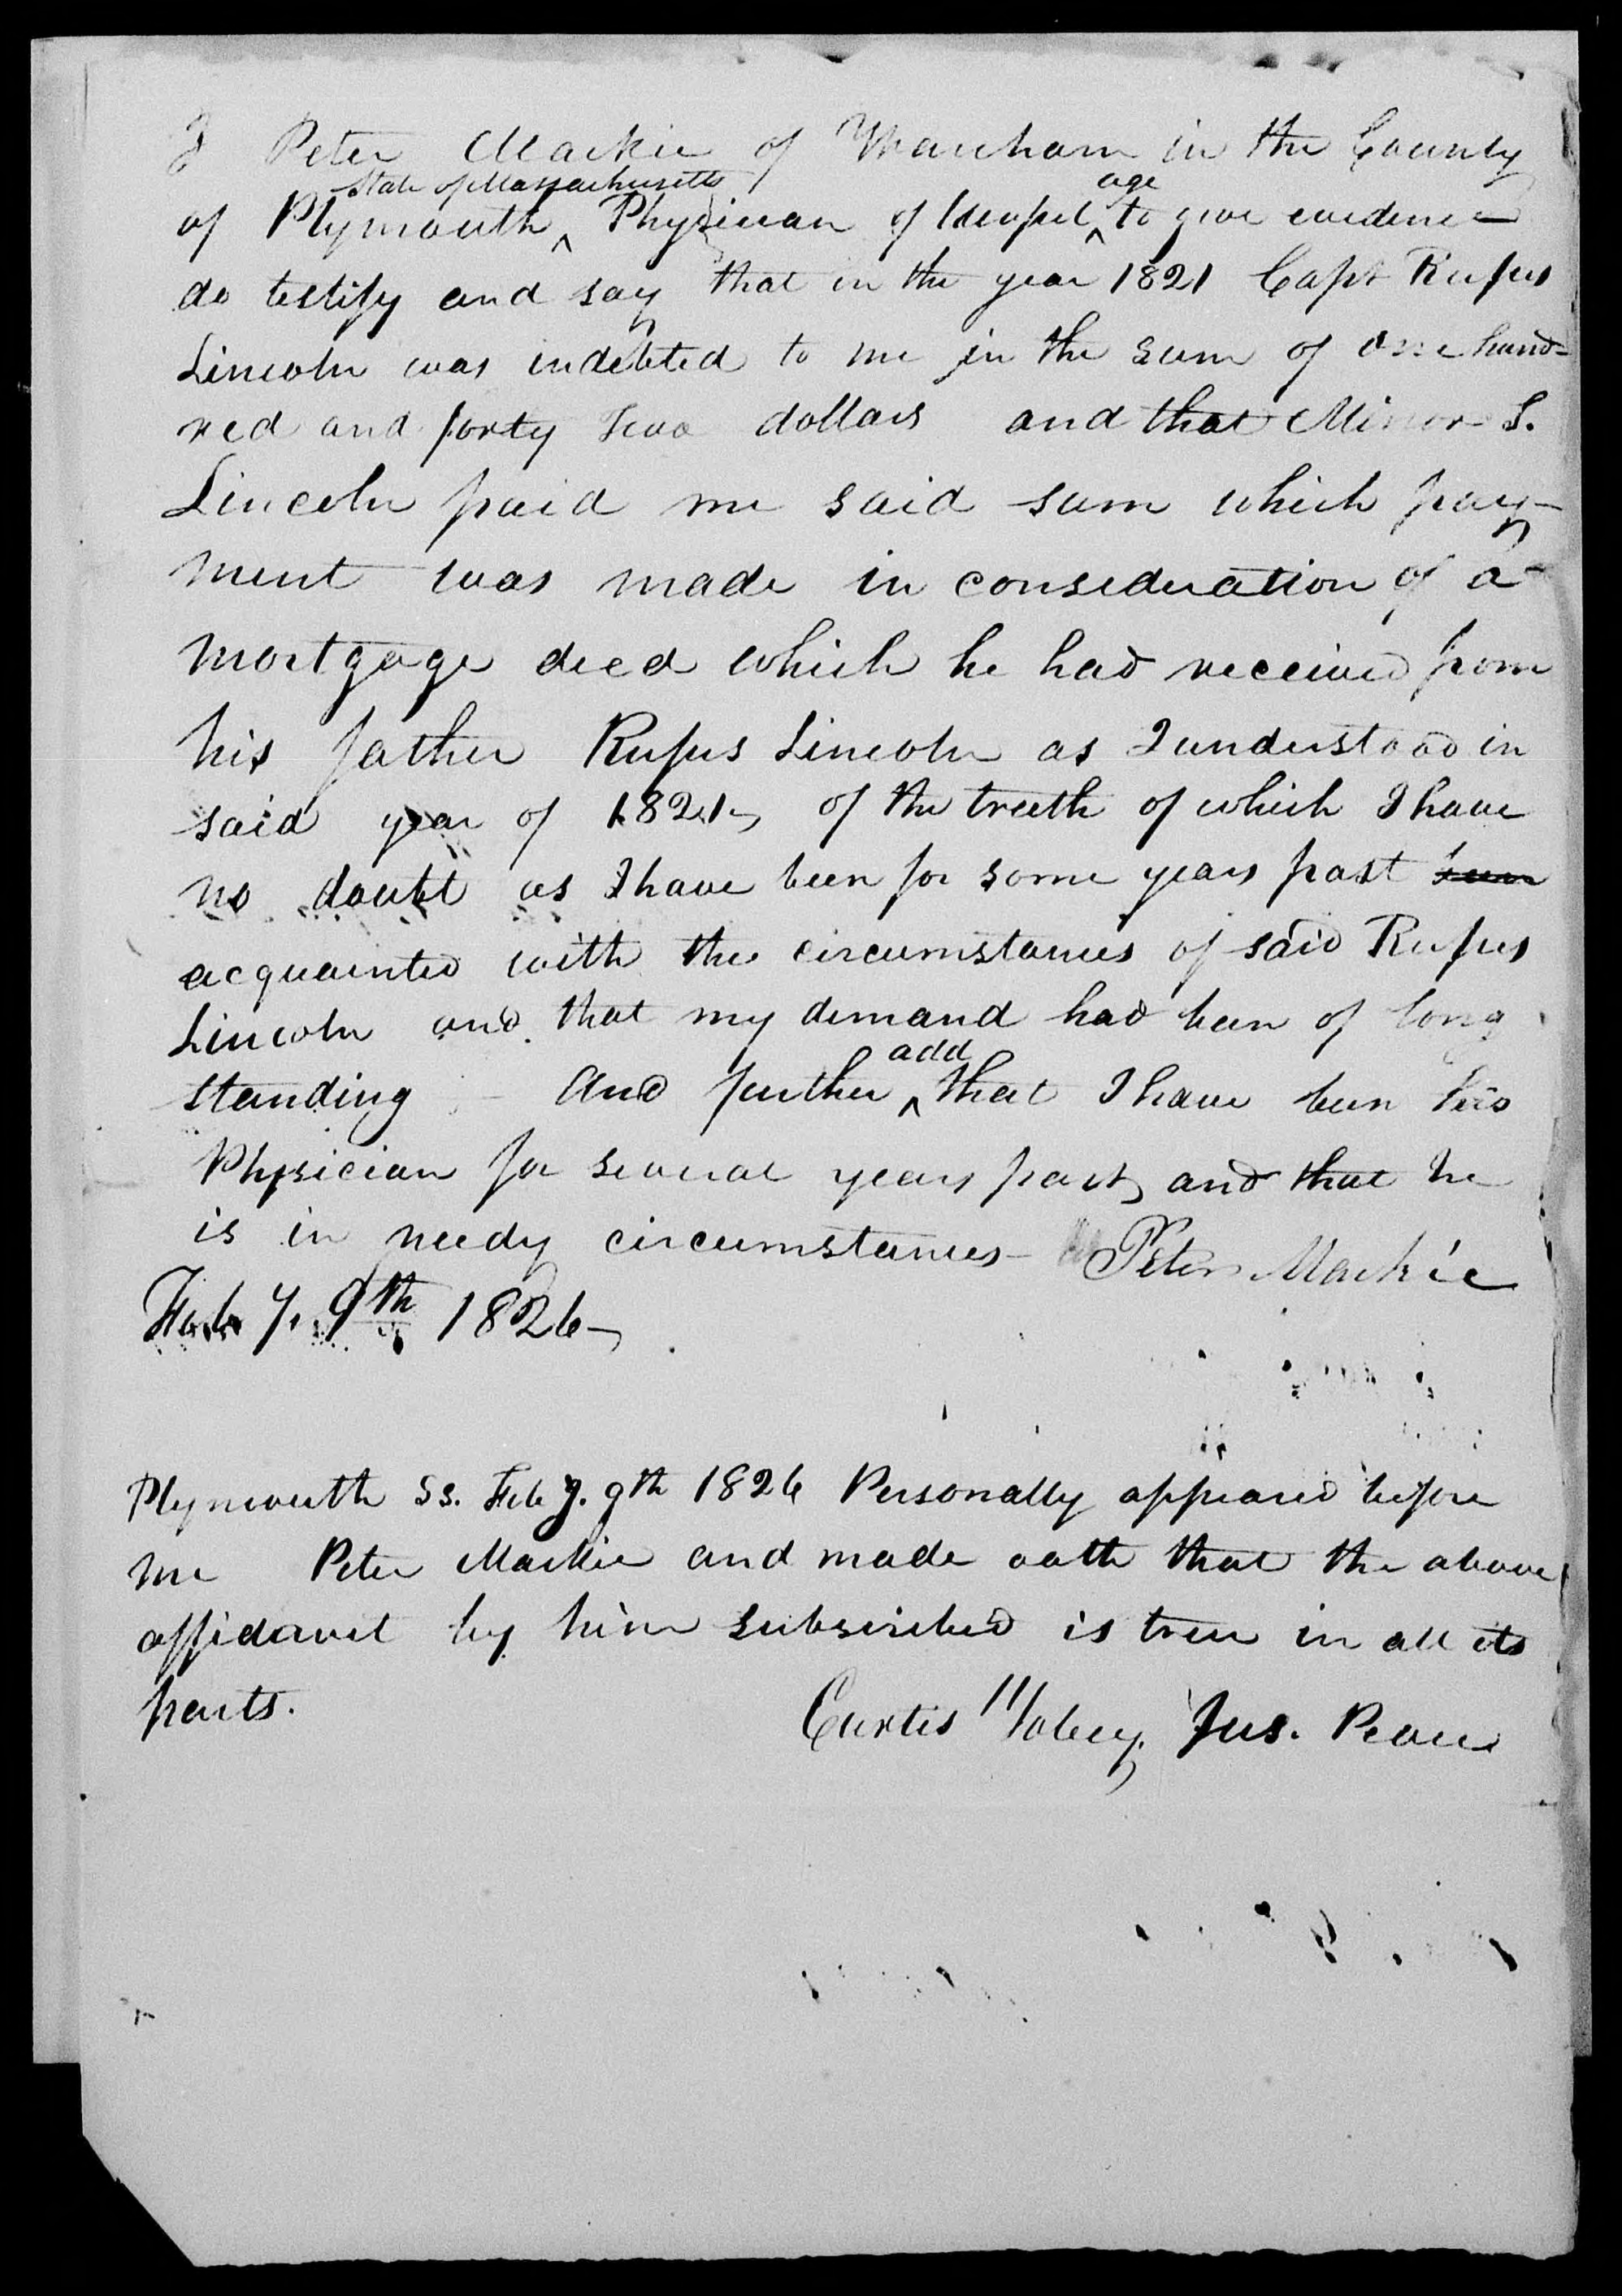Peter Mackie of Wareham in the County
of Plymouth State of Massachusetts Physician of lawful age to give evidence-
do testify and say that in the year 1821 Capt Rufus Lincoln was indebted to me in the sum of one hundred and forty two dollars and that Minor S. Lincoln paid me said sum which 
payment was made in consideration of a
mortgage deed which he had received from
his father Rufus Lincoln as I understood in
said year of 1821, of the truth of which I have
no doubt as I have been for some years past
acquainted with the circumstances of said Rufus Lincoln and that my demand had been of long standing :- and further add that I have been his Physician for several years past and that he is in needy circumstances-- 
Peter Mackie
Feby 9th 1826

Plymouth SS. Feb. 9th 1826 Personally appeared before me Peter Mackie and made oath that the above affidavit by him subscribed is true in all its parts.
Curtis Tobey Jus. Peace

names: Minor S Lincoln; Curtis Tobey; Rufus Lincoln; Peter Mackie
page: 73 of 82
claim: widow's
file: W. 13,634, for Rufus Lincoln, Massachusetts